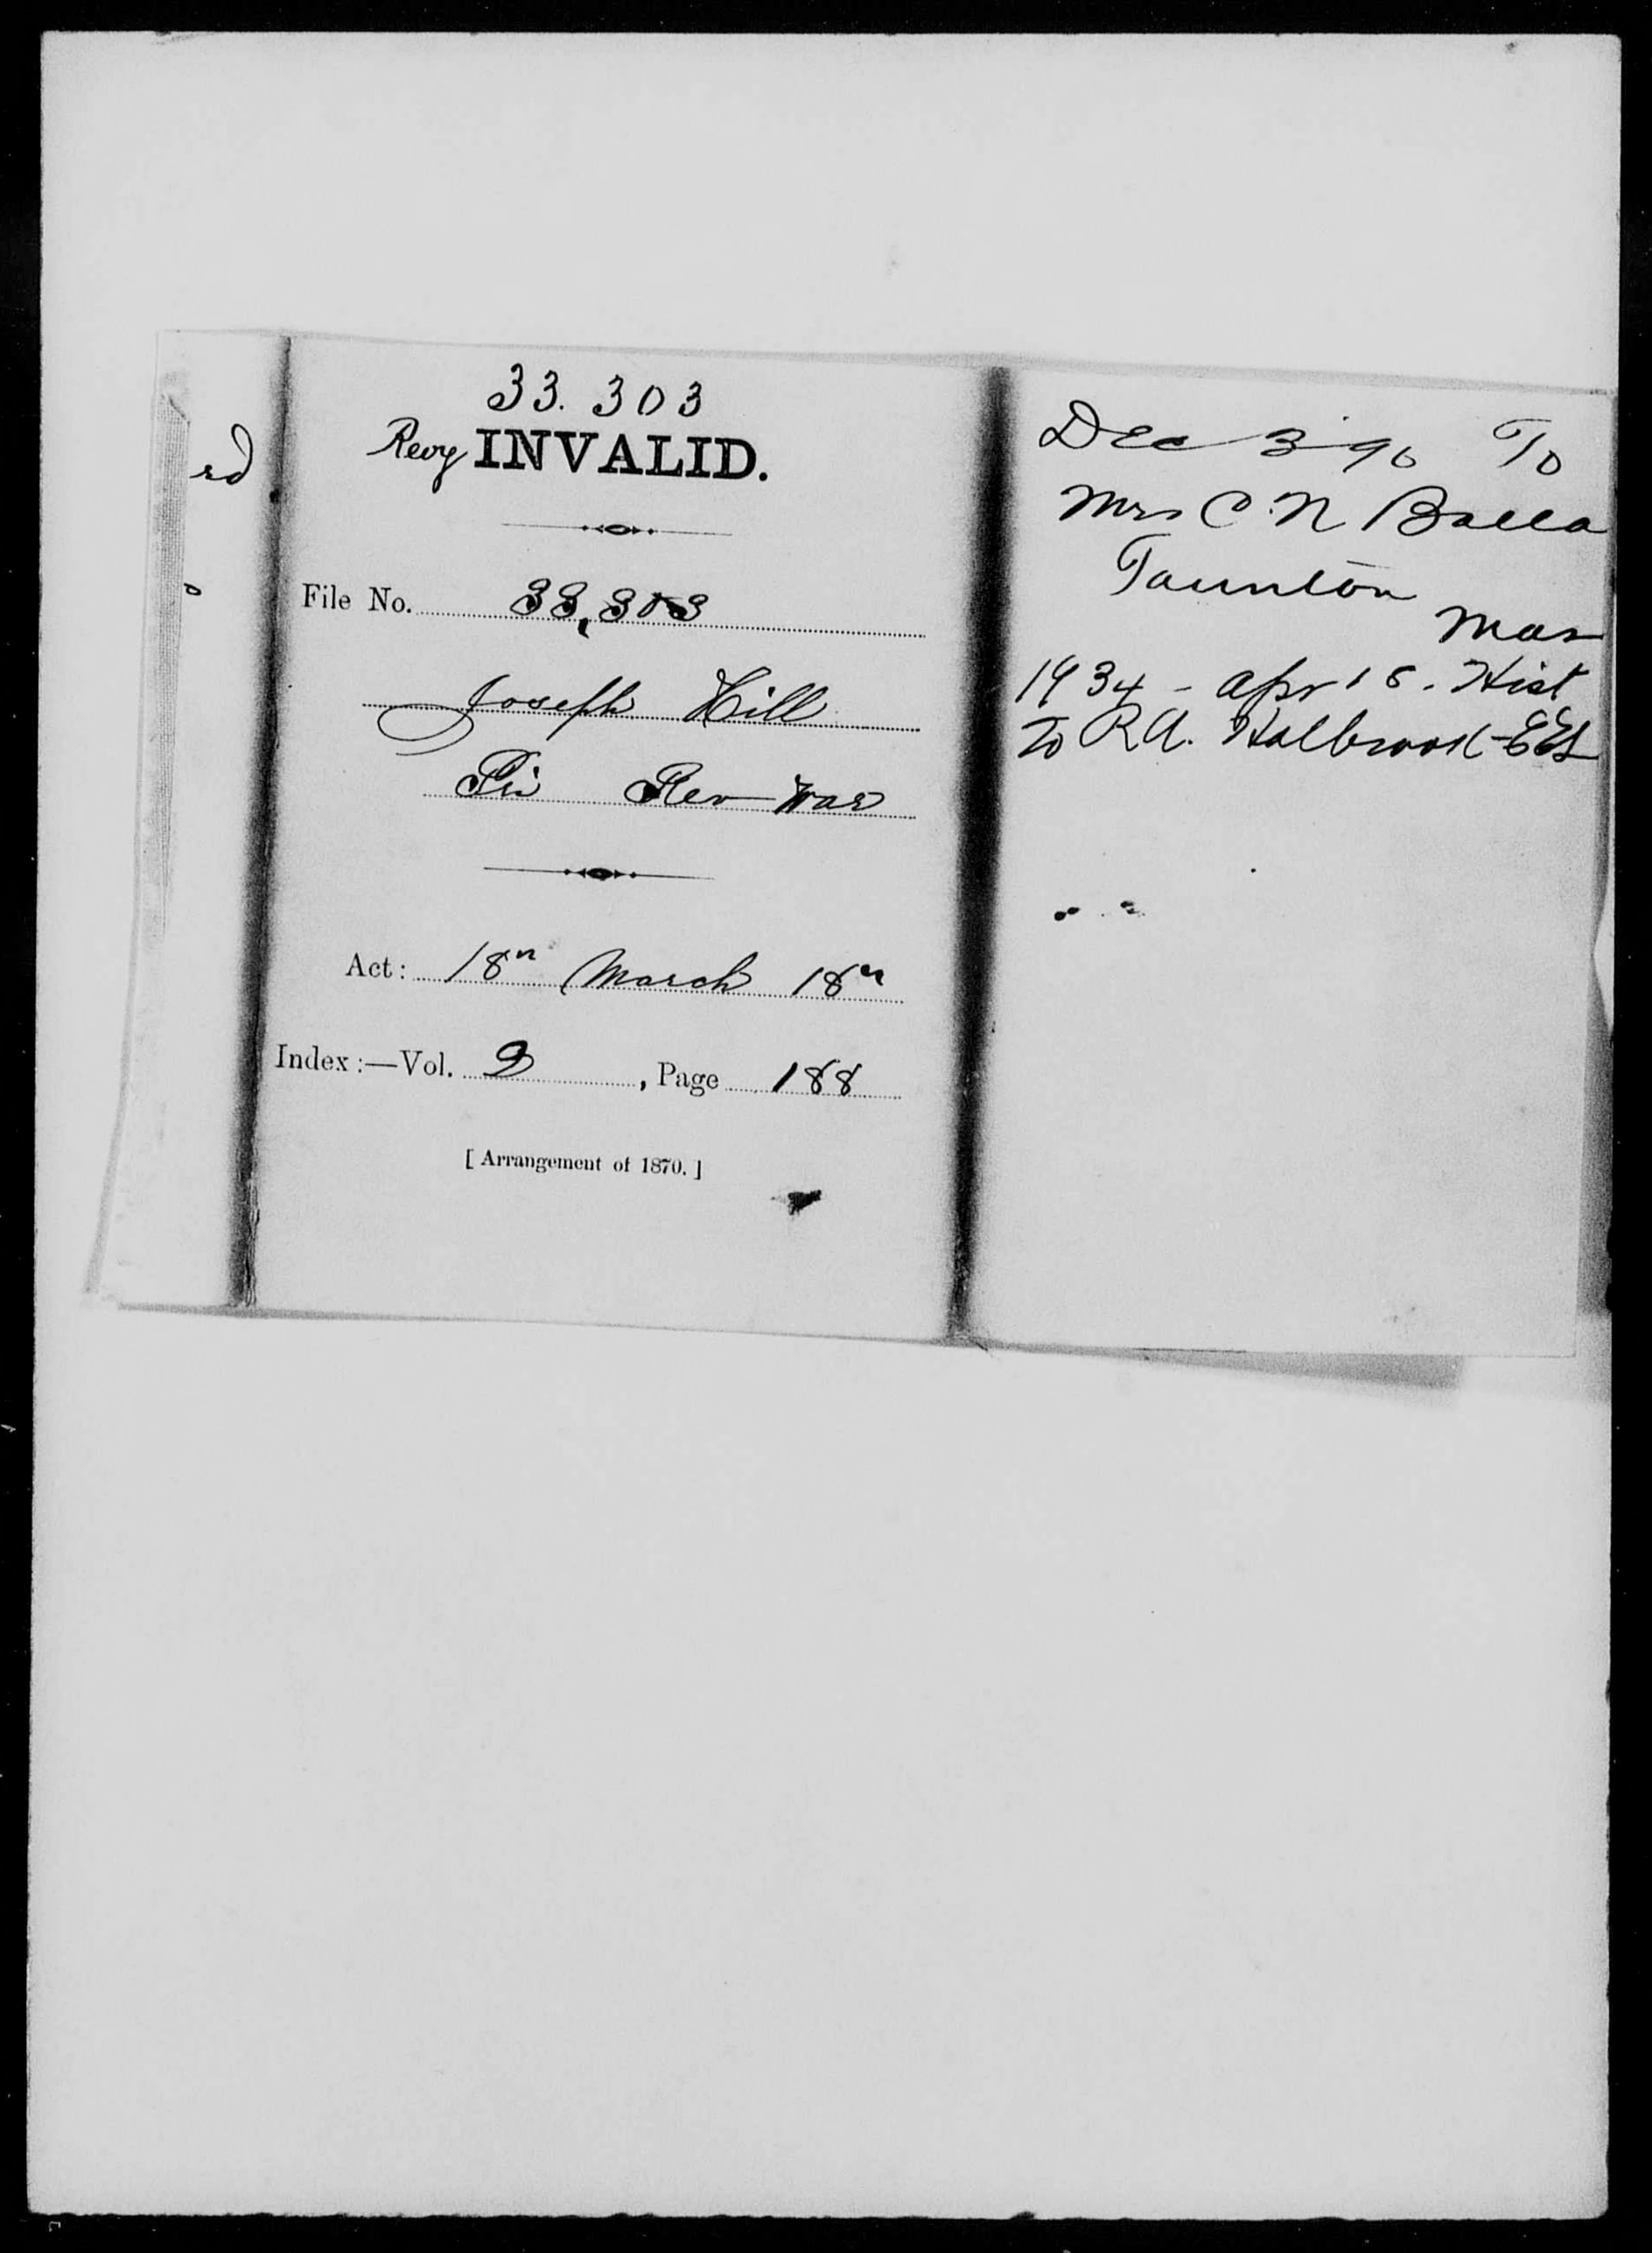33.303
Revy INVALID.

File No. 33,303
Joseph Hill
Pri  Rev War 

Act: 18r March 18r
Index:-Vol. 8, Page 188
[Arrangement of 1879.]

Dec 3 90 To
Mrs C N Ballard
Taunton Mass

1934 - Apr 18. Hist
to R A Holbrook - EEL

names: C N Balla, R A Halbrook, Joseph Hill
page: 9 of 14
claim: survivor's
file: S. 3,3303, Joseph Hill, Continental (Mass.)